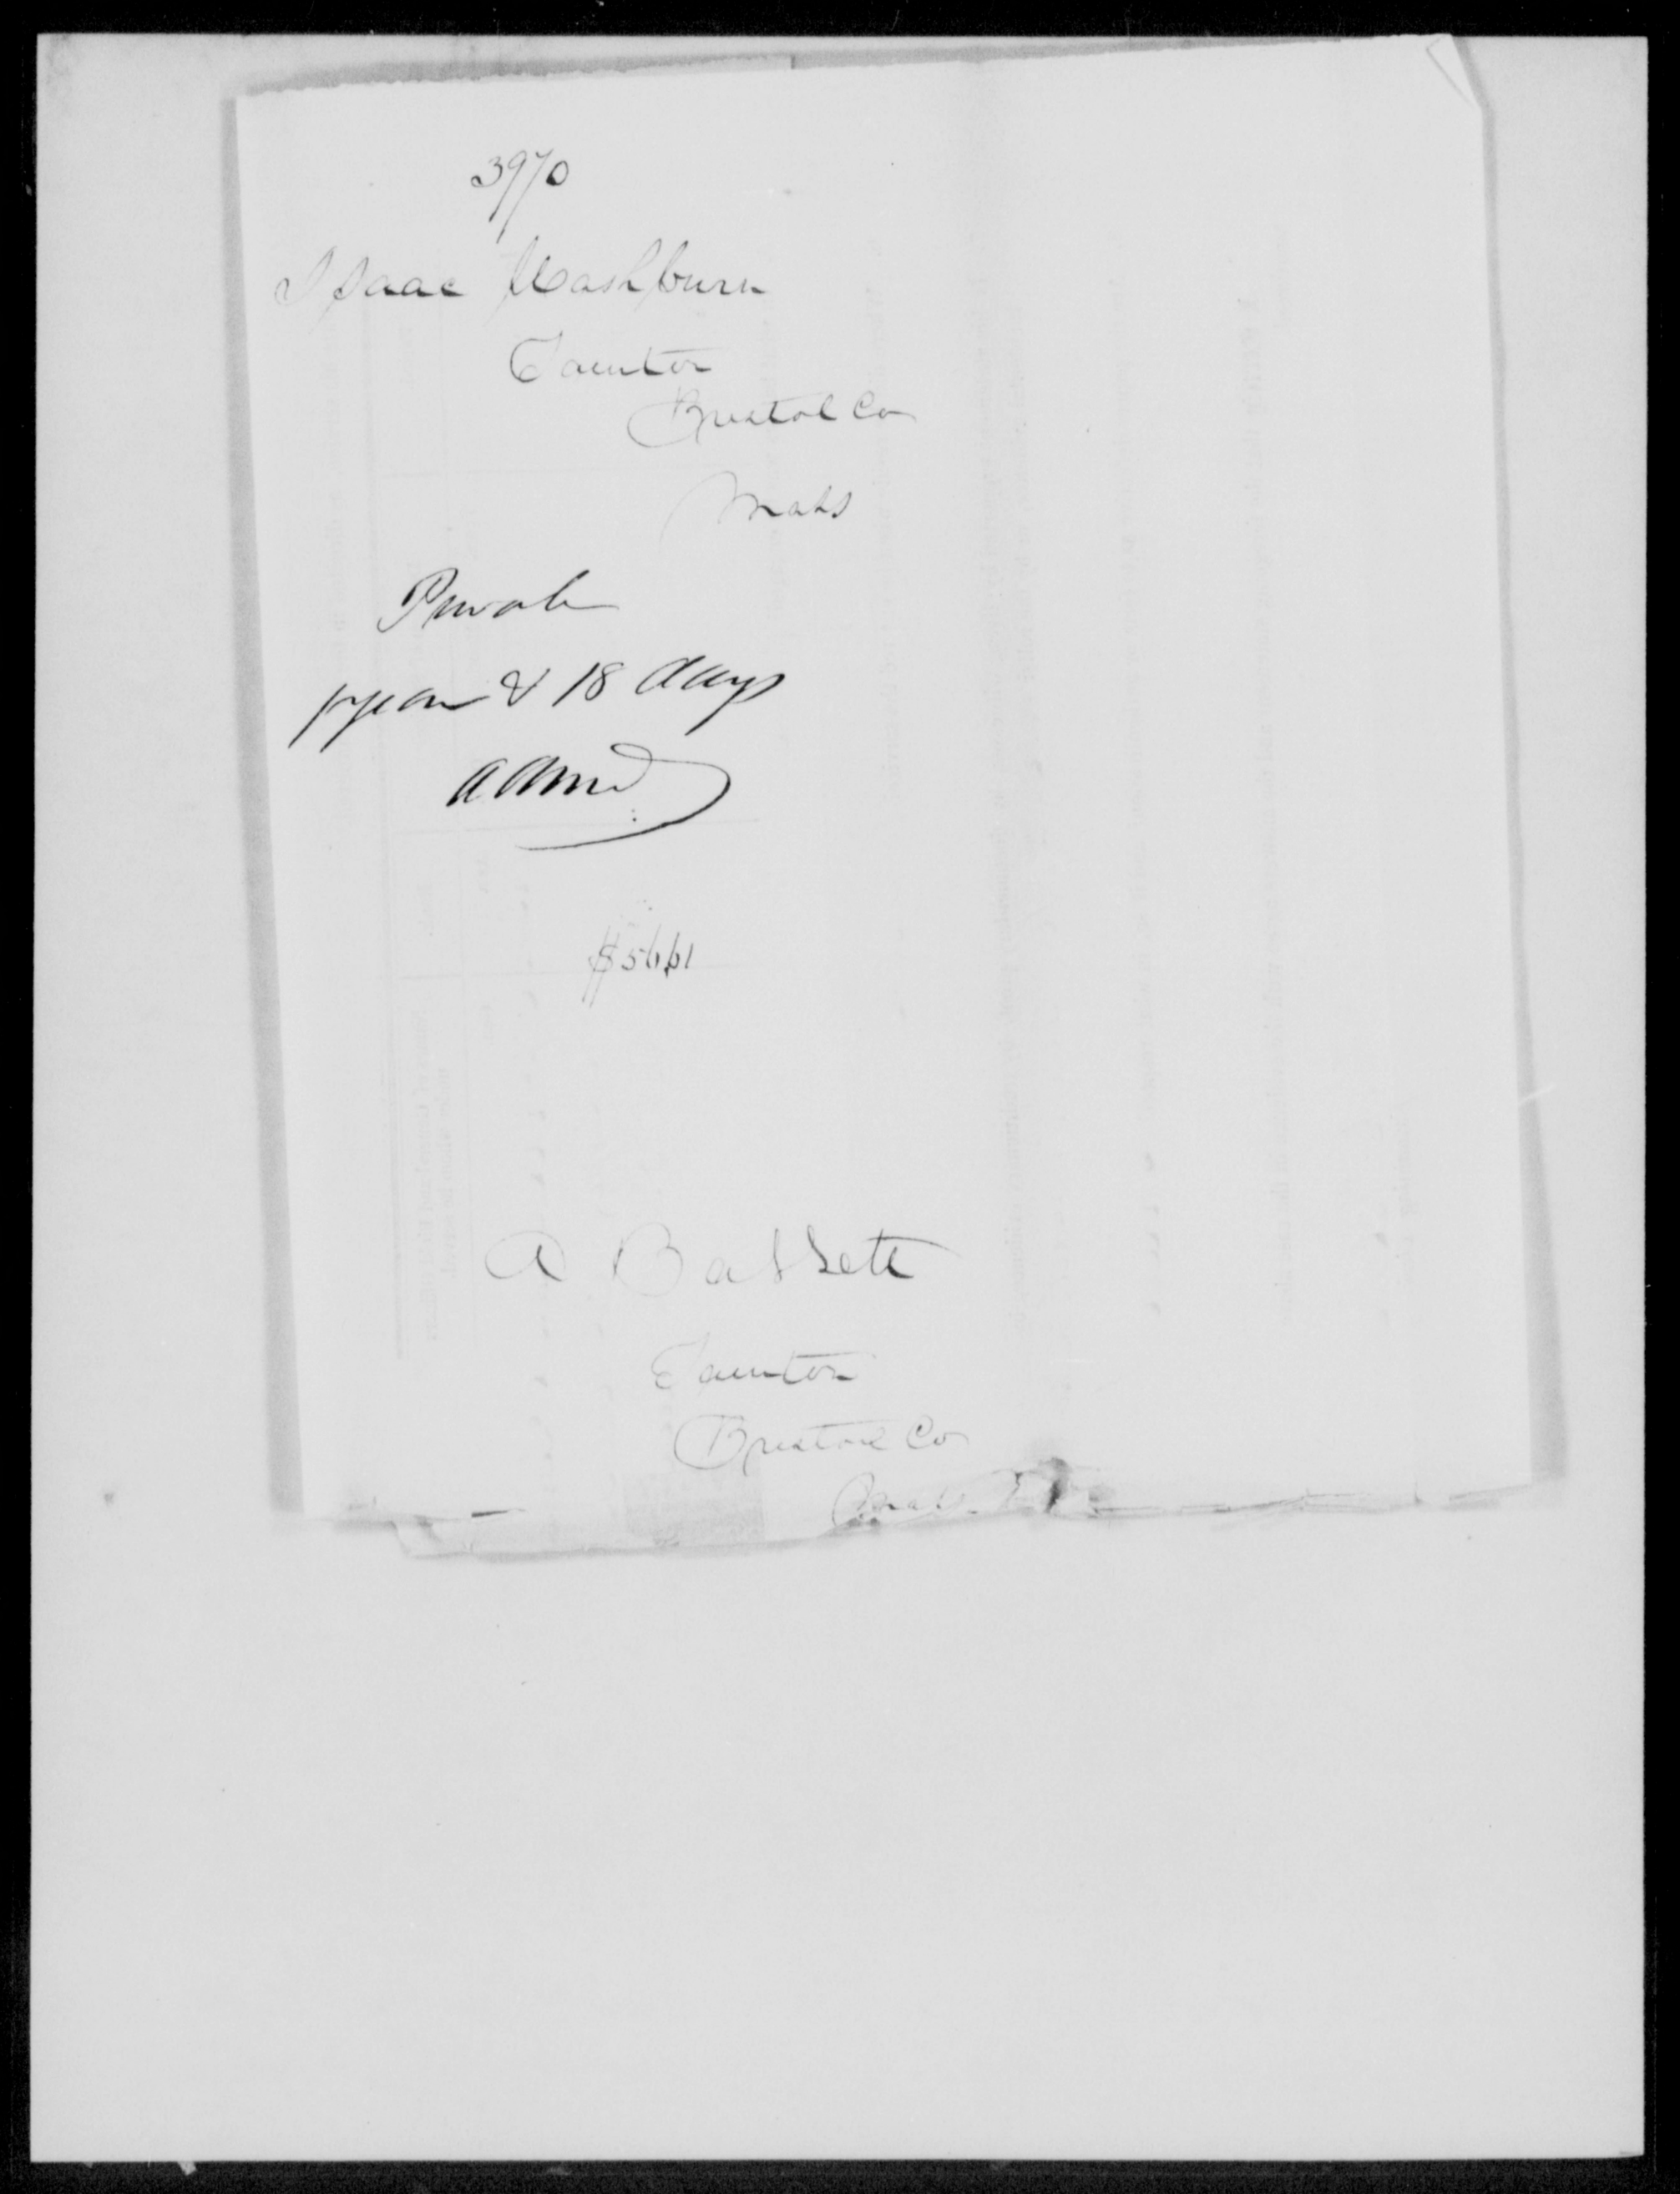3970
Isaac Washburn
  Taunton 
      Bristol Co.
        Mass

Private
1 year & 18 days
 A Amd

$56.61

A Bassett
Taunton
Bristol Co.
Mass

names: A Bassett, Isaac Washburn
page: 4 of 34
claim: widow's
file: W. 1677, Isaac Washburn, Mass.